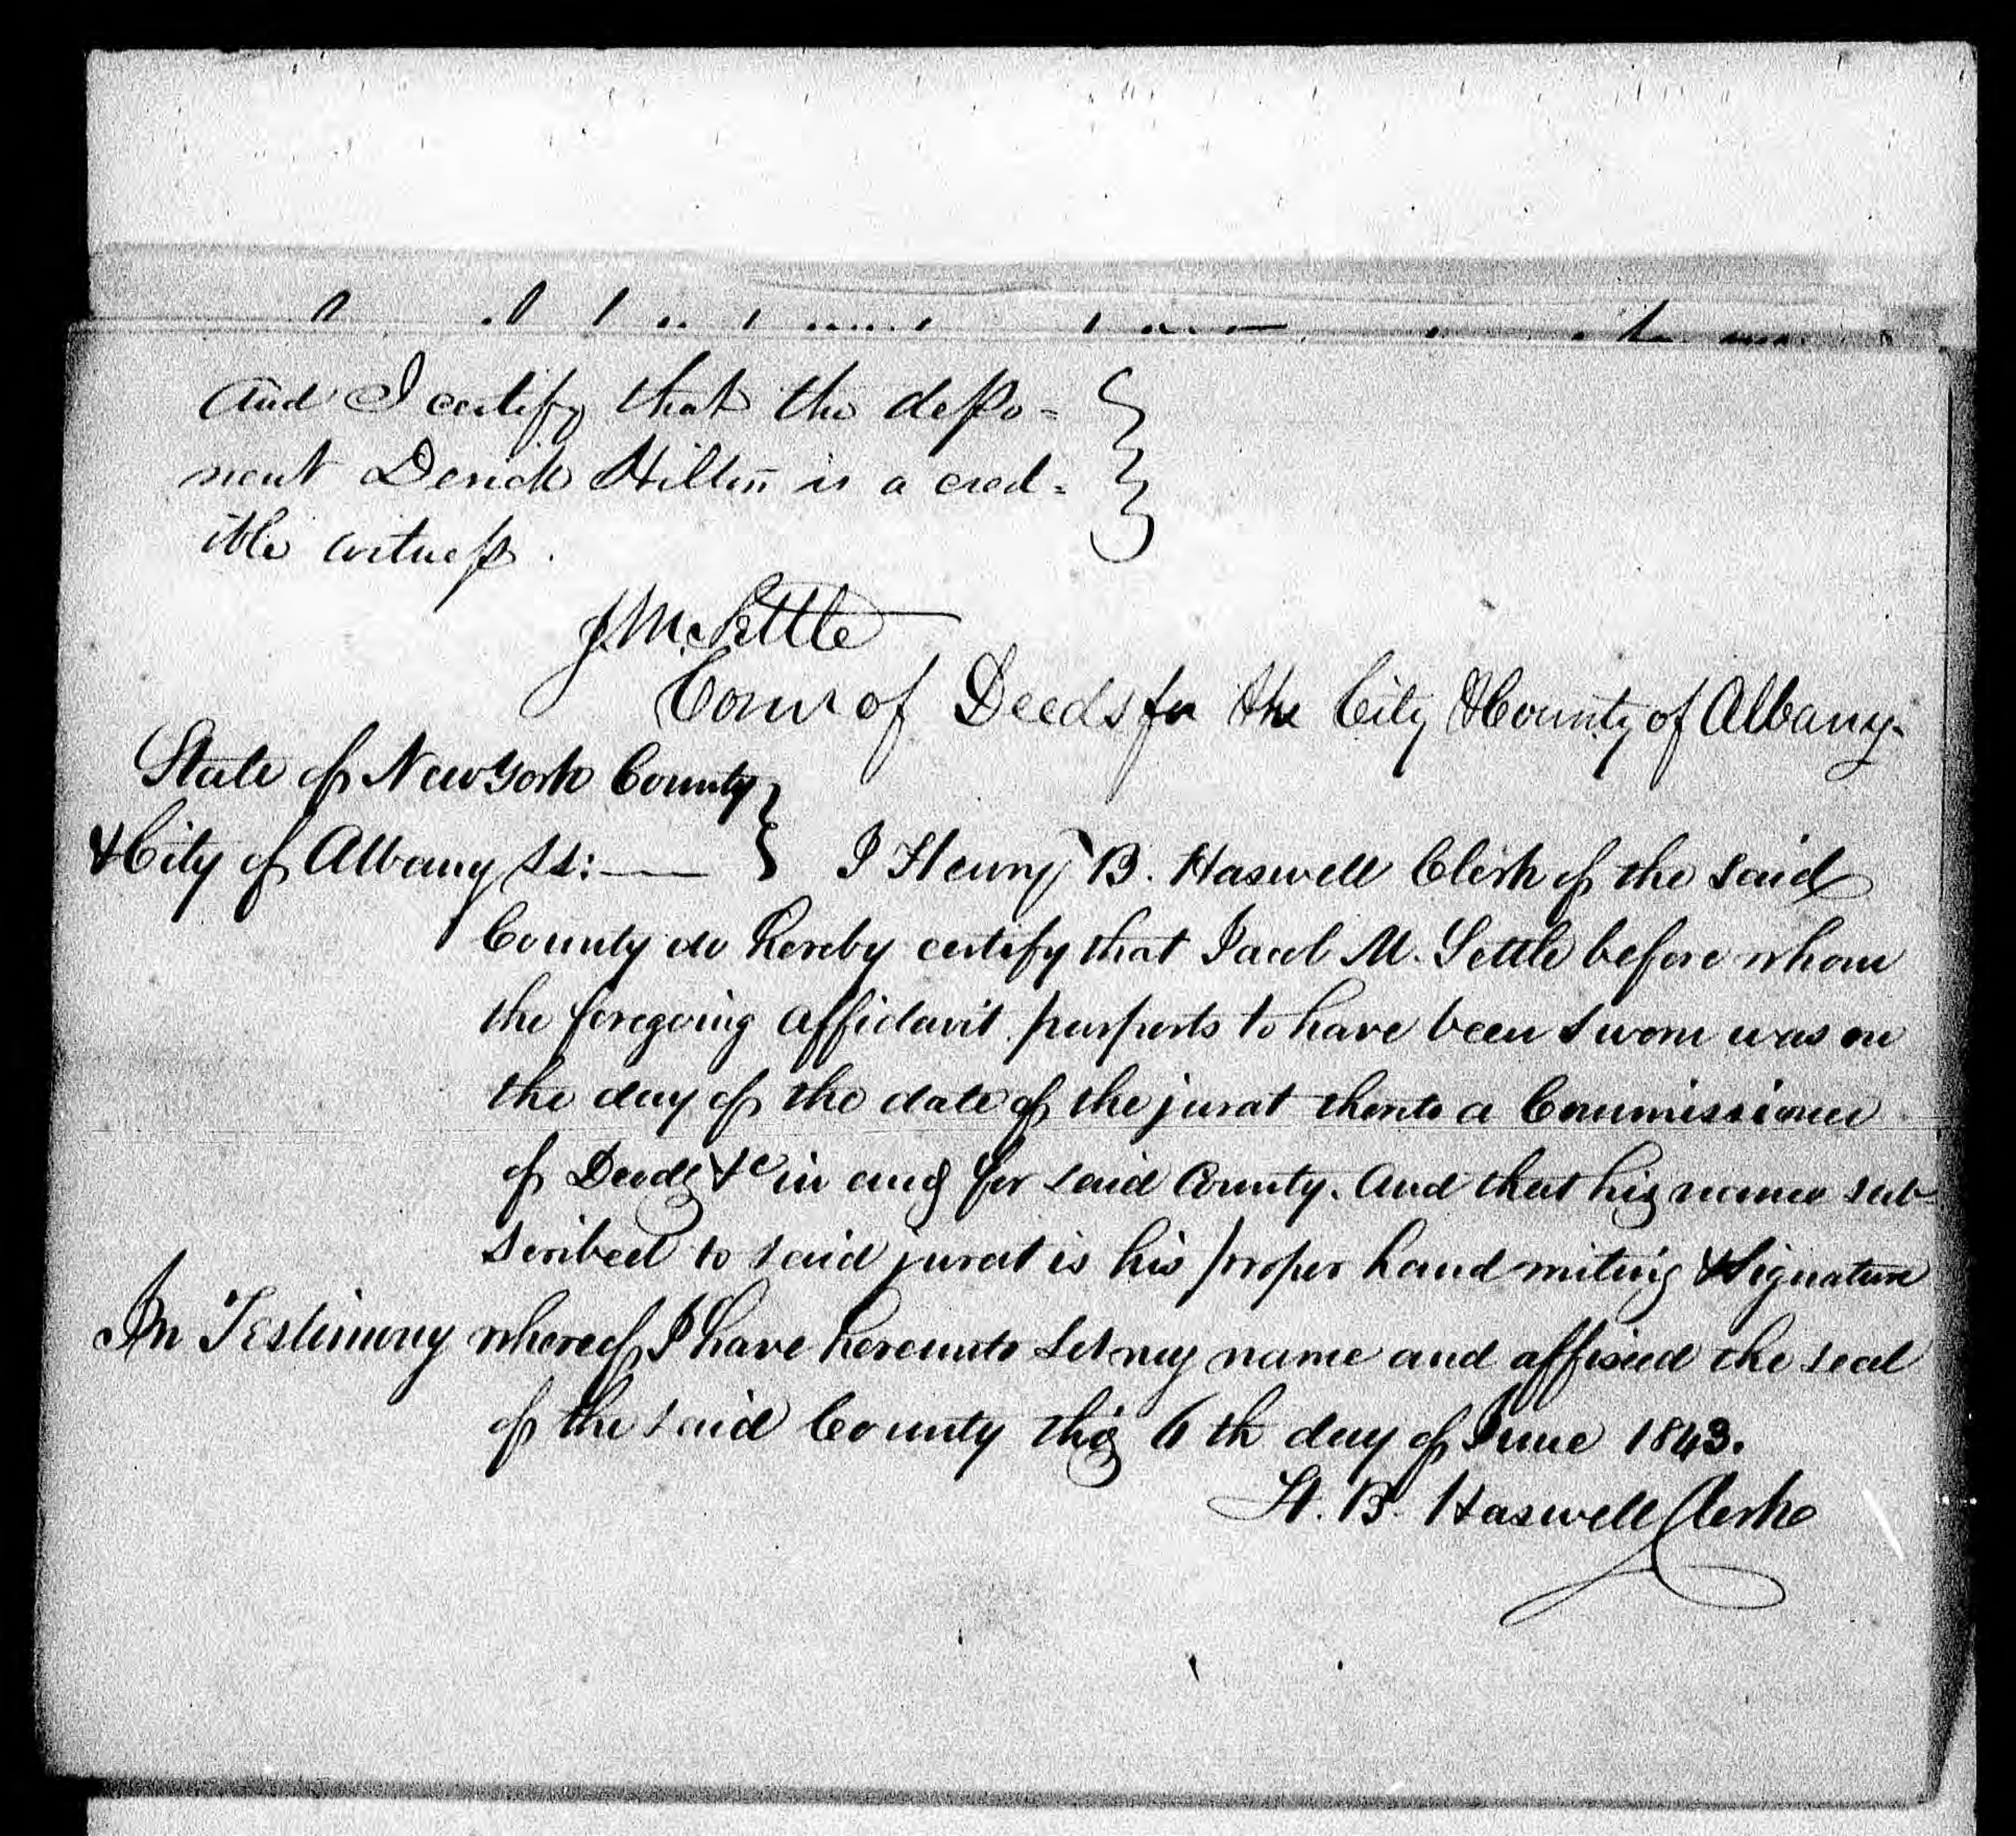[Note} And I certify that this deponent Derick Hilton is a credible witness(?)
J.M. Little 
Court of Deeds for the City & County of Albany   [signature]

State of New York County 
City of Albany SS: _______}
I Henry B. Haswell Clerk of the said County do hereby certify that Jacob M. Settle before whom the foregoing affidavit purports to have been sworn was on the day of the date of the Jurat thereto a Commissioner of Deeds in and for said County. And that his name scribed to said Jurat is his proper handwriting signature in testimony whereof I have hereunto set my name and affixed the seal of the said County this 6th day of June 1843.

H.B. Haswell Clerk [signature]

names: H B Haswell, Henry B Haswell, Jacob M Settle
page: 27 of 48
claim: widow's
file: W. 19788, Jacob W Hilton, New York